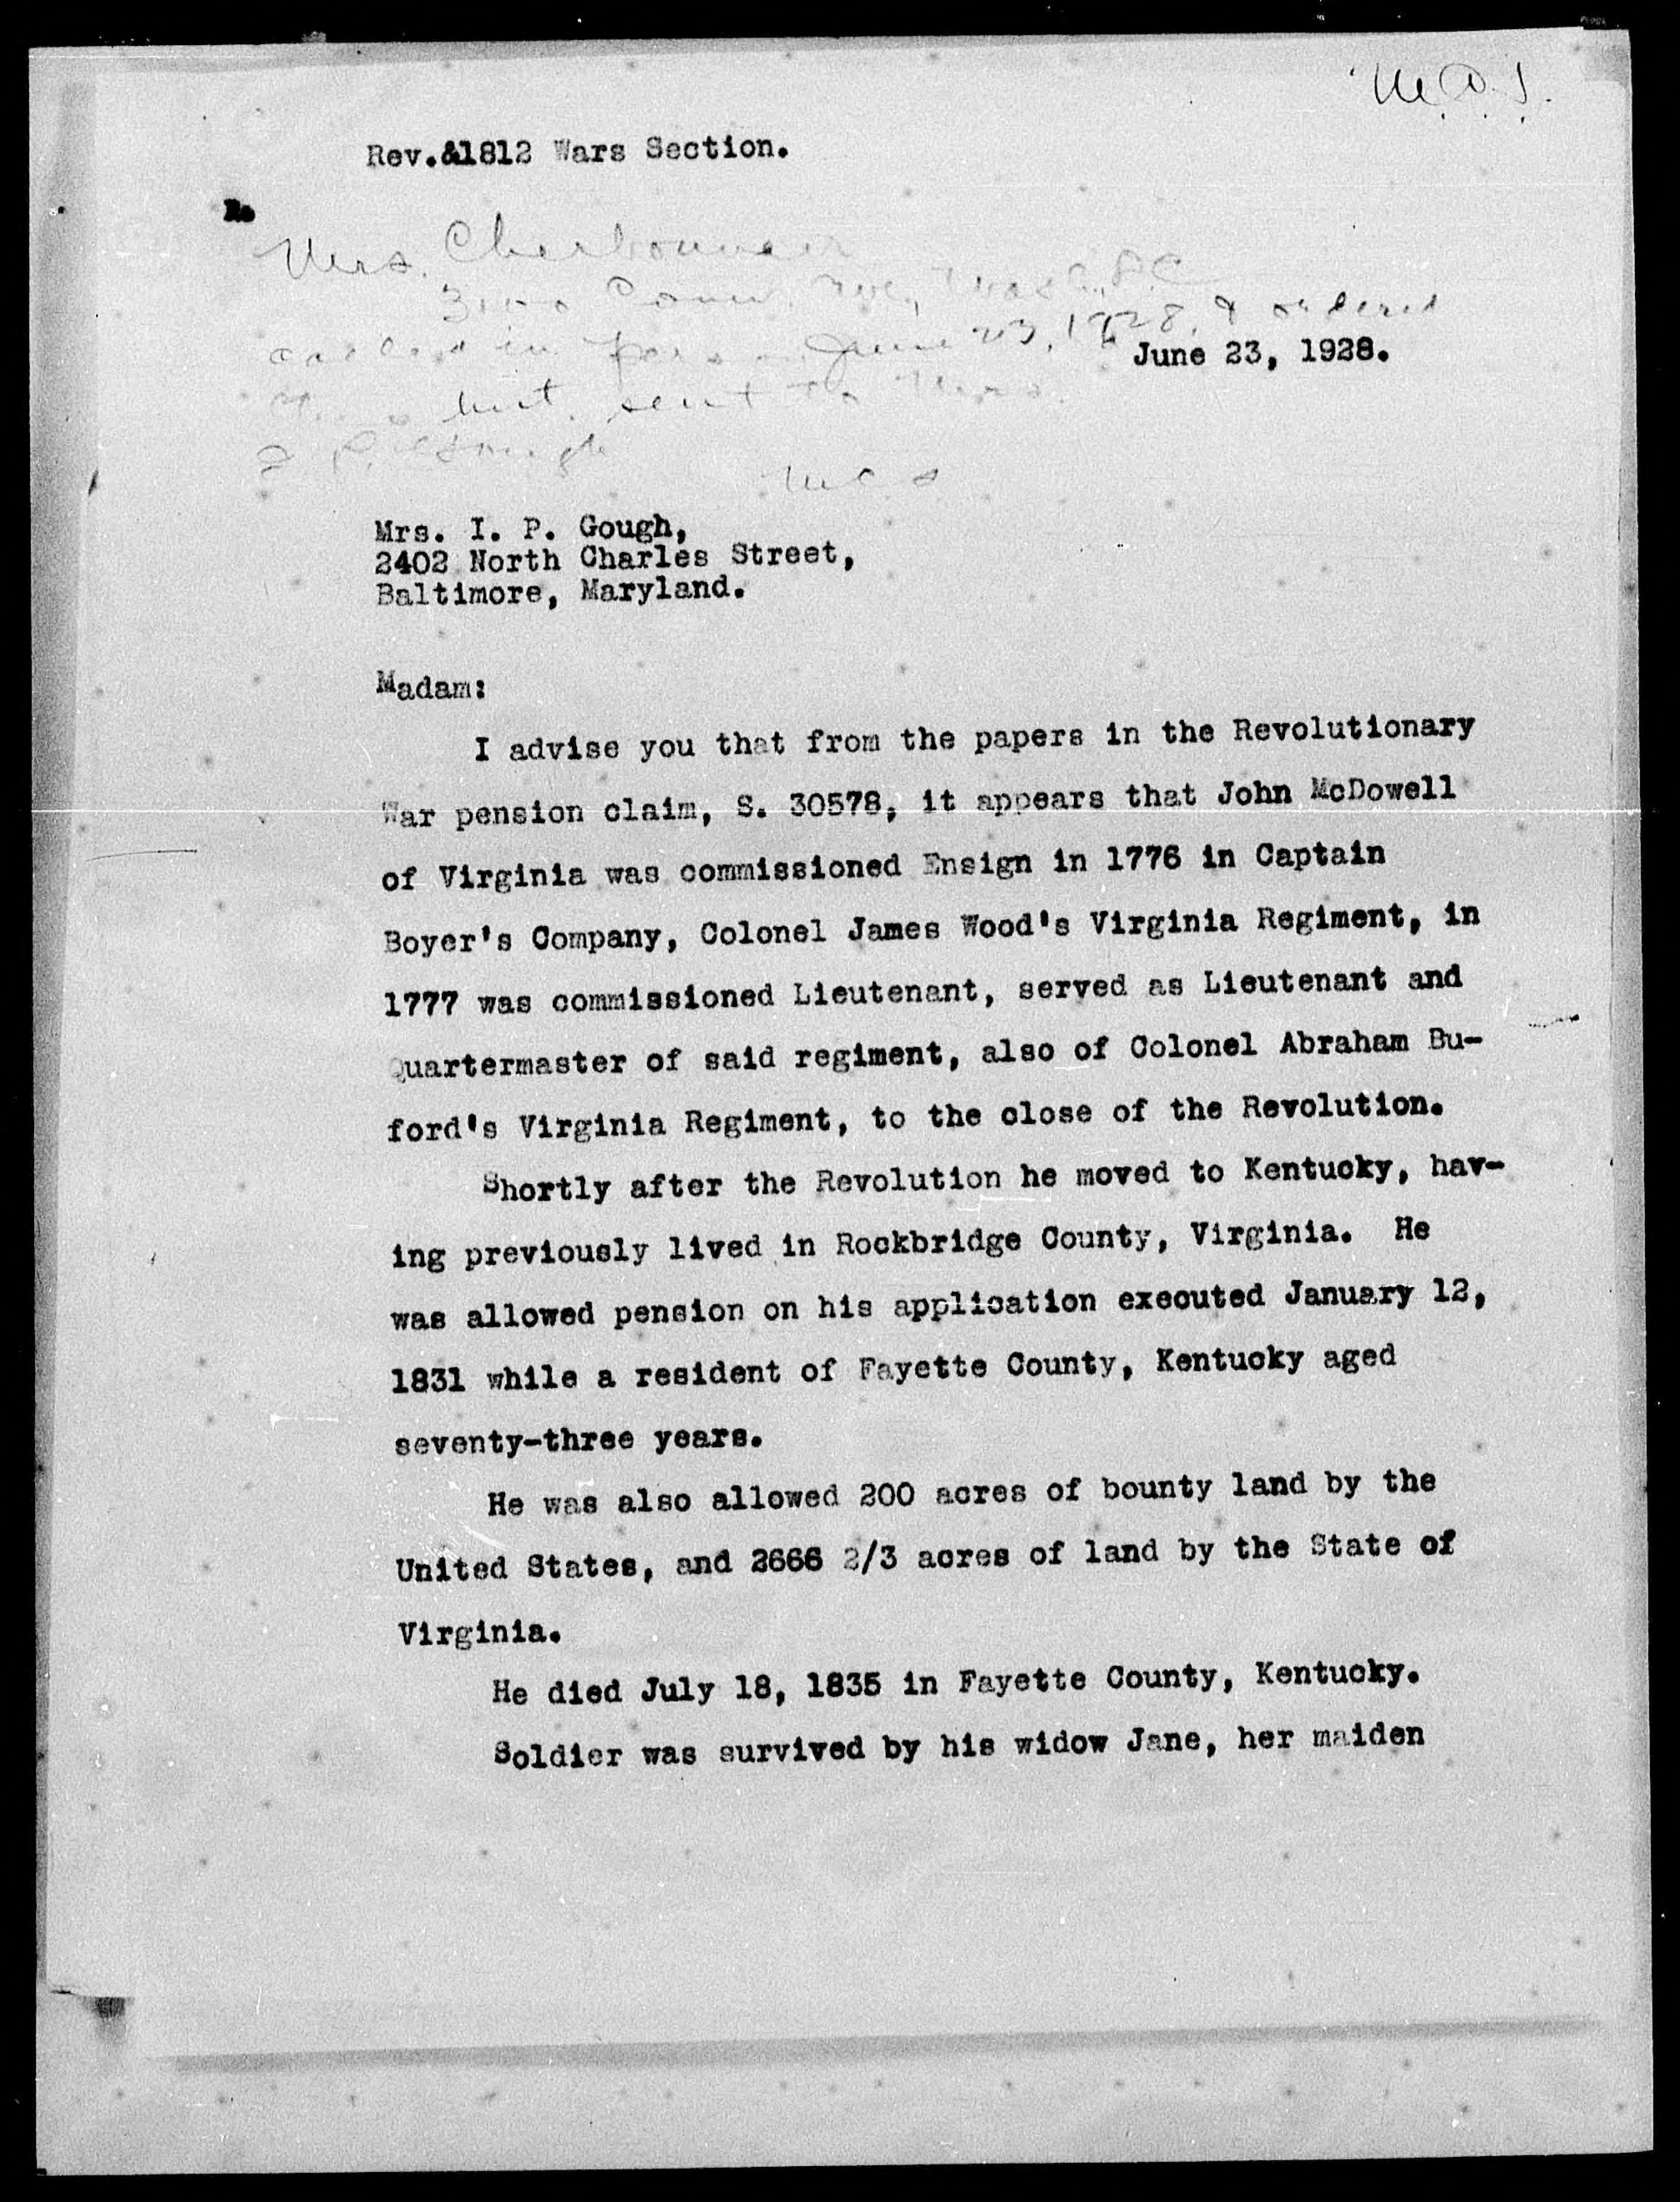June 23, 1928
Mrs. I.P. Gough
2402 North Charles Street
Baltimore, Maryland.

Madam:

     I advise you that from the papers in the Revolutionary 
War pension claim, S. 30578, it appears that John McDowell
of Virginia was commissioned Ensign in 1776 in Captain
Boyer’s Company Colonel James Wood’s Virginia Regiment, in
1777 as commissioned Lieutenant, served as Lieutenant and
Quartermaster of said regiment, also of Colonel Abraham Bu-
ford’s Virginia Regiment, to the close of the Revolution
      Shortly after the Revolution he moved to Kentucky, hav-
ing previously lived in Rockbridge County, Virginia.  He 
was allowed pension on his application executed January 12,
1831 while a resident of Fayette County, Kentucky aged
seventy-three years.
     He was also allowed 200 acres of bounty land by the 
United States, and 2666 2/3 acres of land by the State of
Virginia.
     He died July 18, 1835 in Fayette County, Kentucky,
     Soldier was survived by his widow Jane, her maiden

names: Jane [BLANK]; I P Gough; John Mc Dowell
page: 46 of 47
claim: survivor's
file: S. 30578, for John Mc Dowell, Virginia